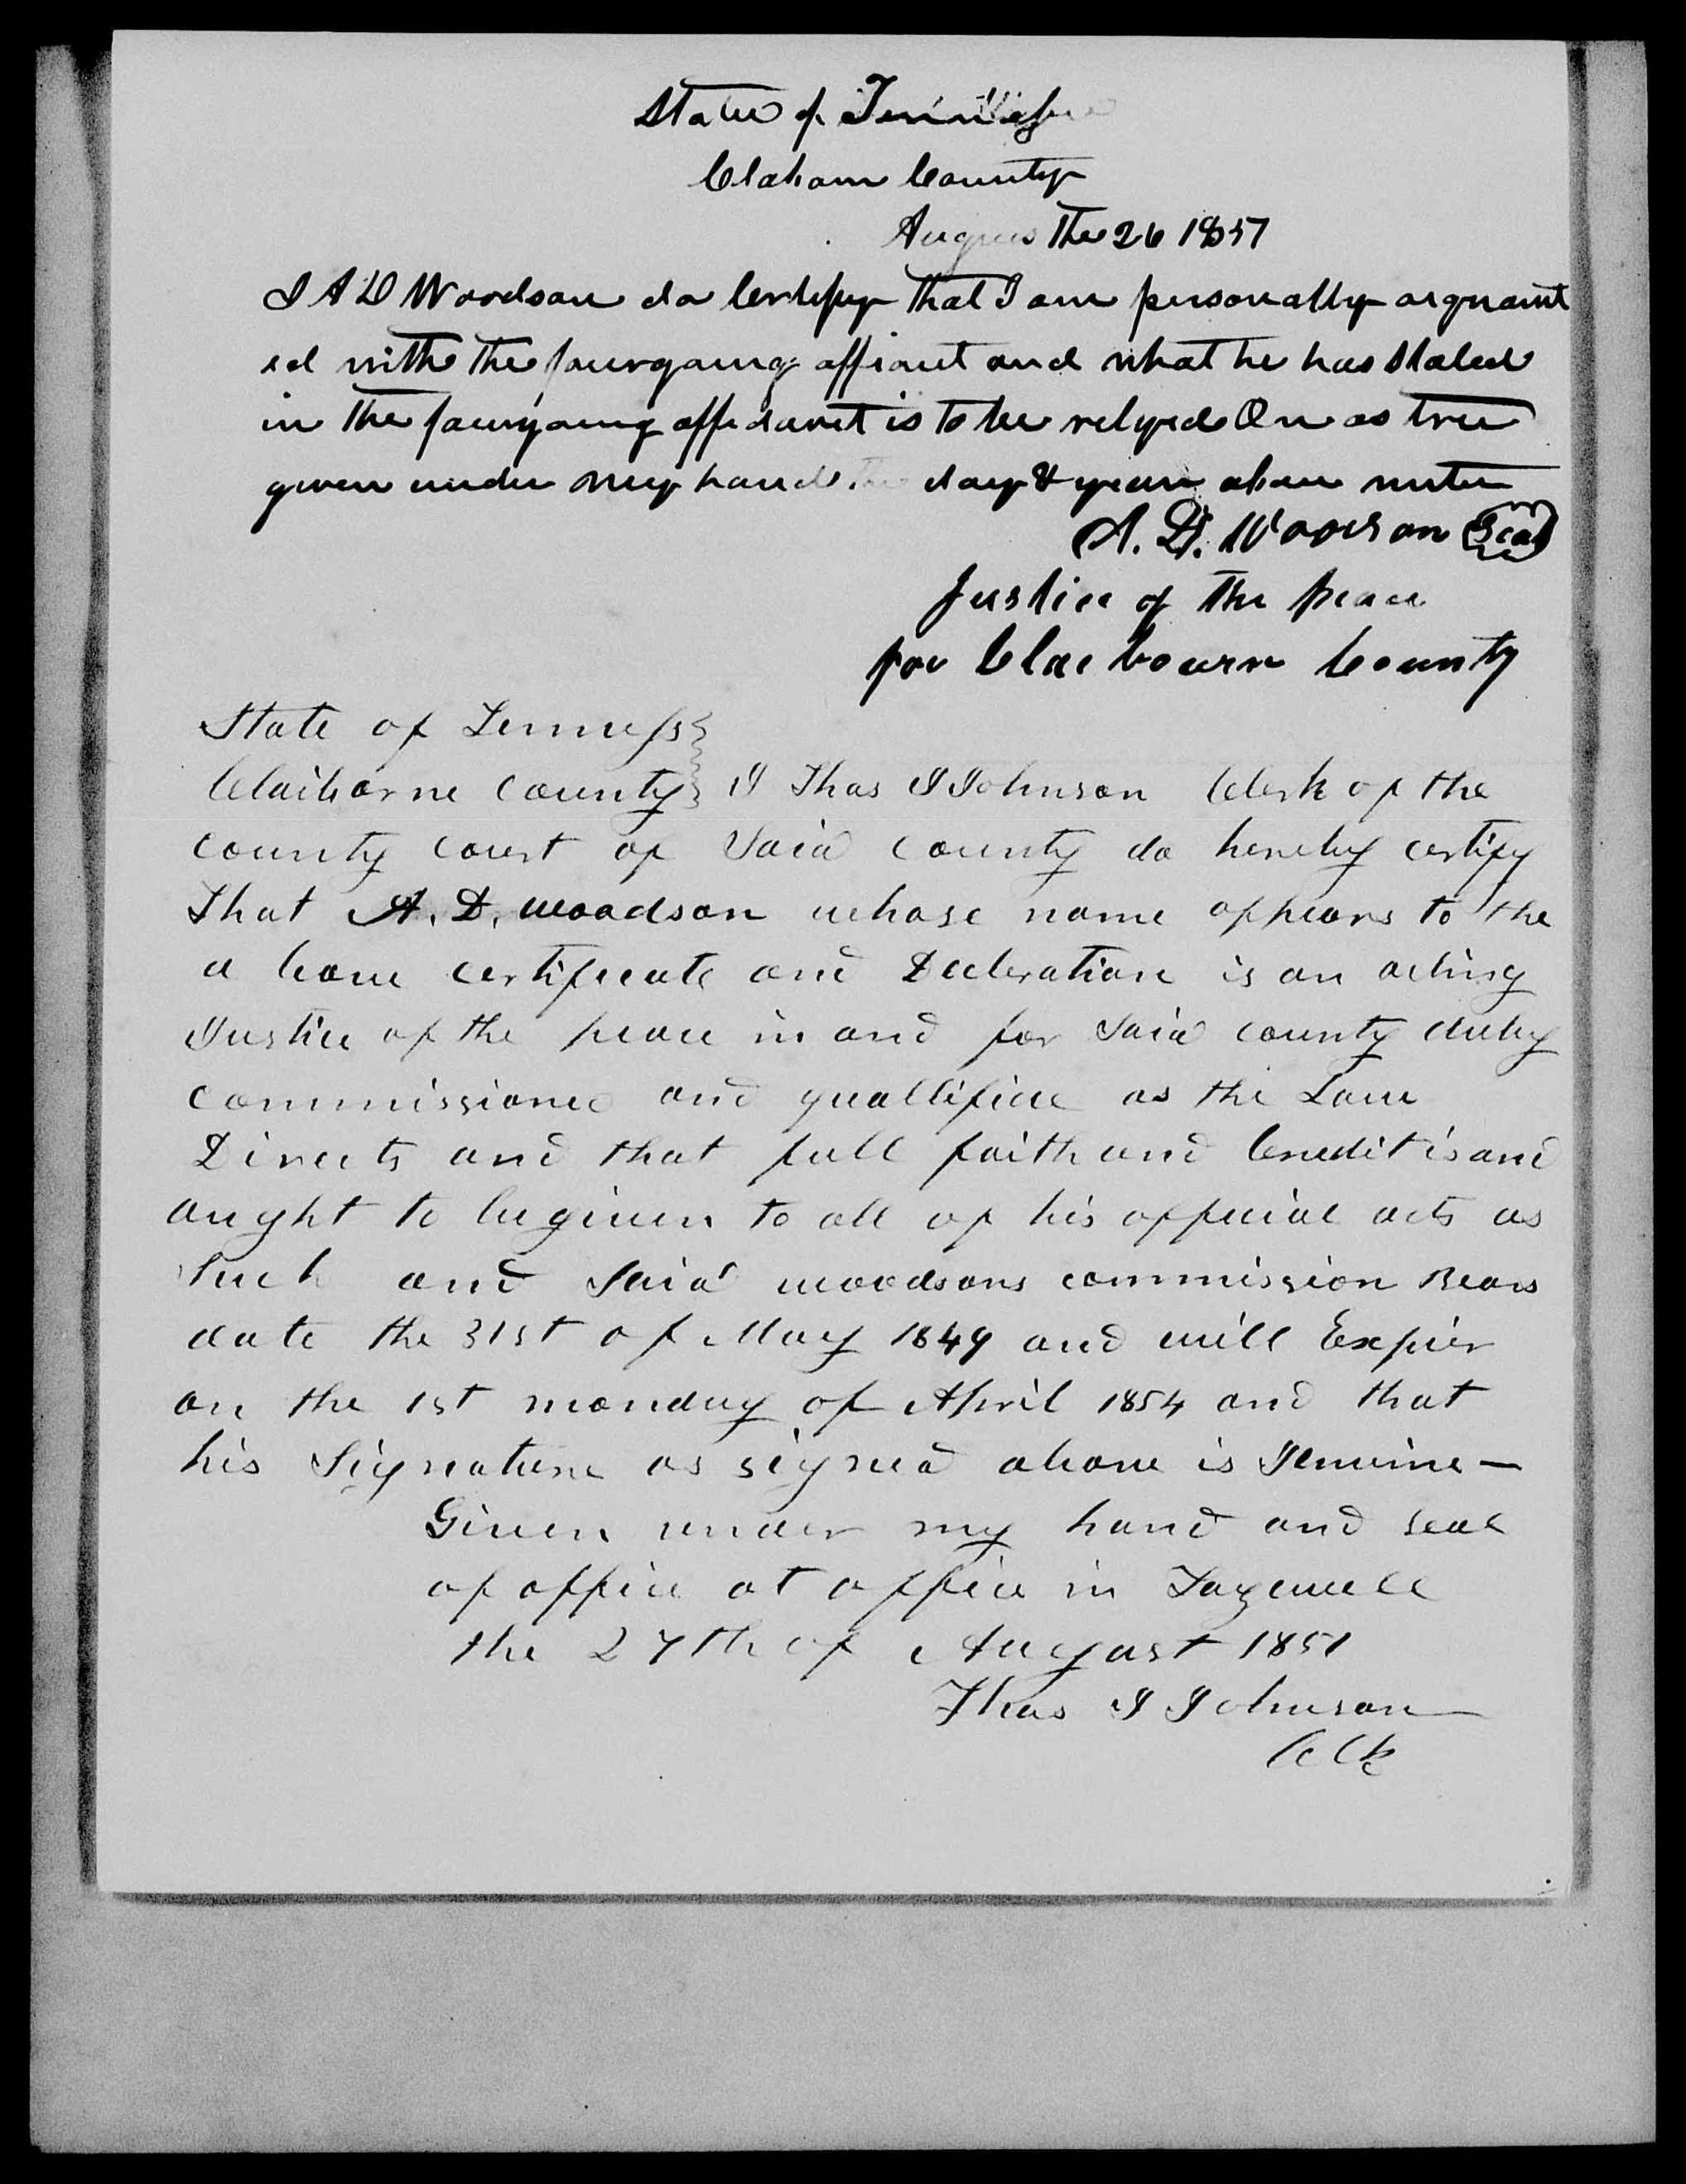State of Tennessee
Claiborne County
August the 26 1851
I A D Woodson do Certify that I am personally acquaint
ed with the fourgoing [foregoing] affiant and what he has stated
in the forgoing affidavit is to be relyed [relied] on as true
given under my hand the day & year above [illegible]
A.D. Woodson (seal)
Justice of the peace
for Claibourn County

State of Tennessee )
Claiborne County   )
I Thos J Johnson Clerk of the
county court of said County do hereby certify
That A.D. Woodson whose name appears to the
a bove [above] certificate and Declaration is an acting
Justice of the peace in and for said County duly
commissioned and quallifide [qualified] as the Law
Directs and that full faith and Credit is and
aught [ought] to be given to all of his official acts as
Such and Said Woodsons commission Bears
date the 31st of May 1849 and will Expire
on the 1st Monday of April 1854 and that
his Signature as signed above is genuine-
Given under my hand and seal
of office at office in Tazewell
the 27th of August 1851
Thos J Johnson
Clk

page: 102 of 120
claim: widow's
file: W. 1044, for Salathiel Martin, North Carolina